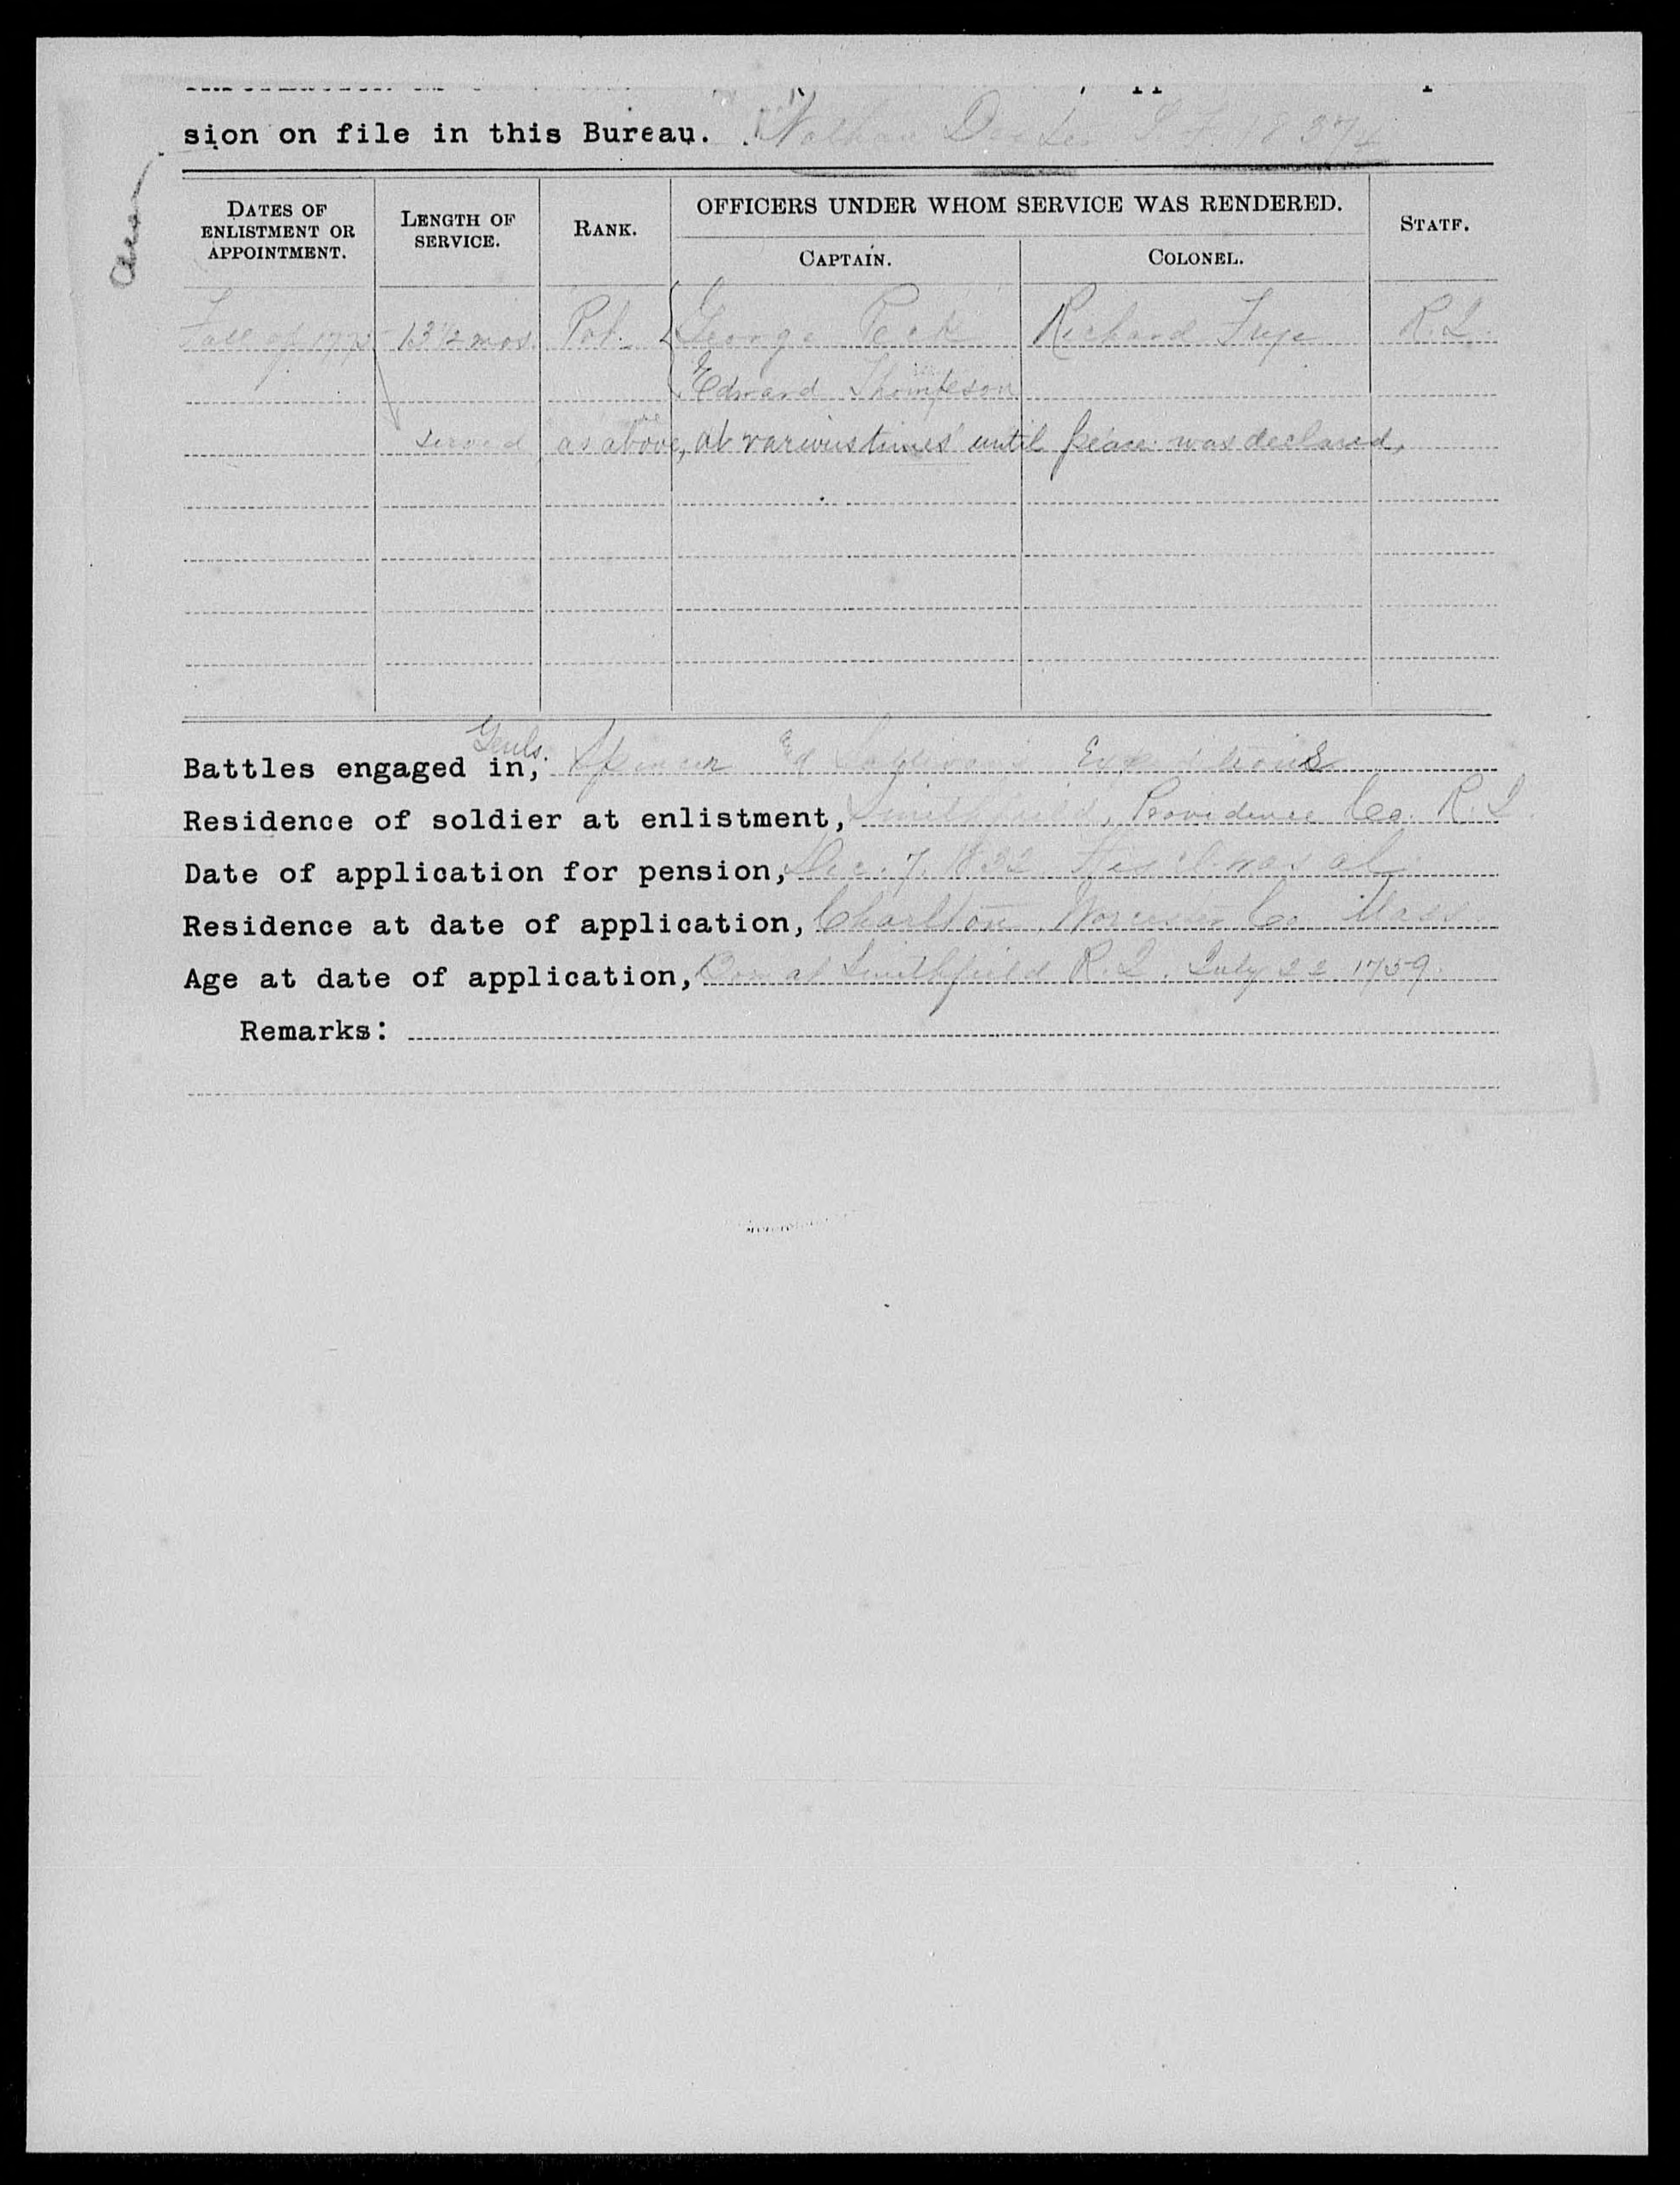-sion on file in this Bureau.  Nathan Dexter  S. F. 18374
DATES OF ENLISTMENT OR APPOINTMENT.
Fall of 1775*
*Served as above, at various times until peace was declared.
LENGTH OF SERVICE.
13½ mos.
RANK.
Pvt. 
OFFICERS UNDER WHOM SERVICE WAS RENDERED.
CAPTAIN.
George Peck
Edward Thompson
COLONEL.
Richard Frye
STATE.
R. I.
Battles engaged in, Gens. Spencer and Sullivan's Expeditions
Residence of soldier at enlistment, Smithfield, Providence Co. R. I.
Date of application for pension, Dec. 7, 1832  His cl. was al.
Residence at date of application, Charlton Worcester Co. Mass
Age at date of application, Born at Smithfield R. I.  July 22, 1759
Remarks:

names: Richard Frye, Edward Thompson, Nathl Dexter, George Peck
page: 7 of 35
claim: survivor's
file: S. 18374, Nathan Dexter, R.I.